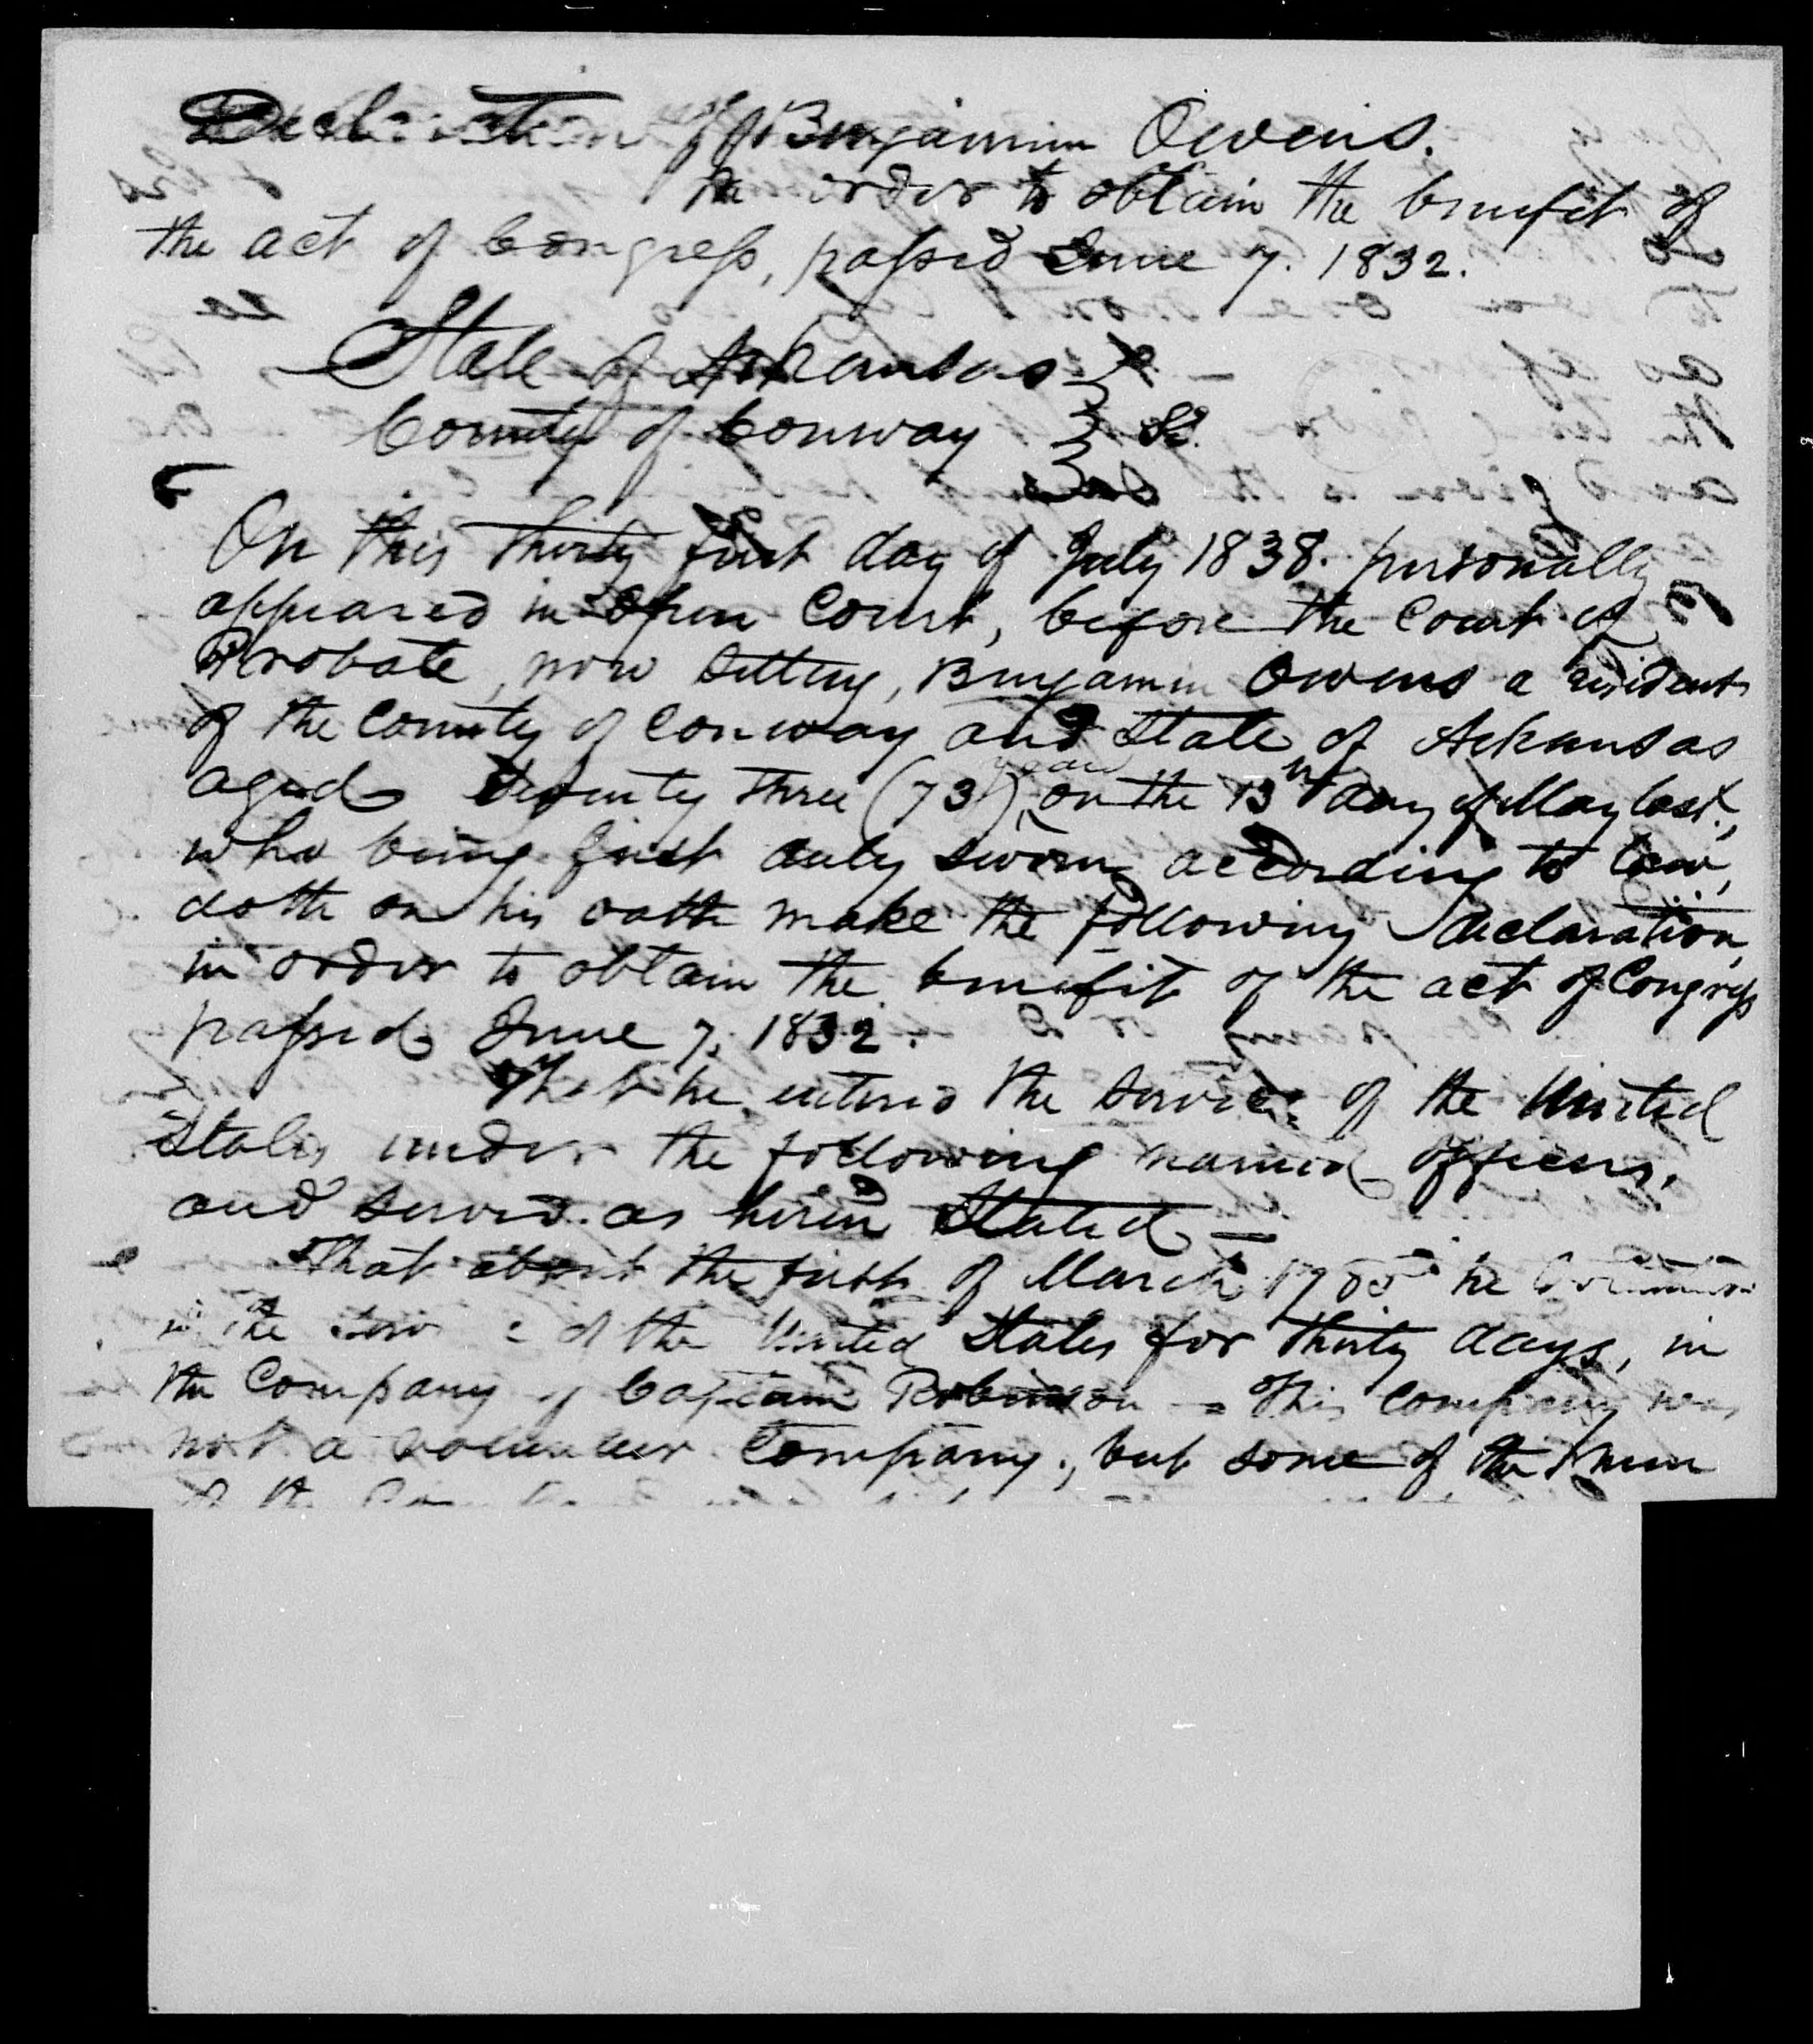Declaration of Benjamin Owens.
Re  Order to obtain the benefit of the act of Congress, passed June 7. 1832.
State of Arkansas }
County of Conway }  SS.
On this thirty first day of July 1838 personally appeared in open Court, before the Court of Probate, now sitting, Benjamin Owens a resident of the County of Conway and State of Arkansas aged Seventy three (73) on the 13th day of May last., who being first duly sworn according to law, doth on his oath make the following declaration in order to obtain the benefit of the act of Congress passed June 7, 1832.
That he entered the service of the United States under the following named officers, and served as herin Stated --  
That about the first of March 1780 he [illegible word] in the service of the United States for thirty days, in the Company of Captain Robinson -- This company was not a volunteer Company, but some of the prior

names: [BLANK] Robinson; Benjamin Owens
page: 3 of 28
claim: rejected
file: R. 7846, for Benjamin Owens, South Carolina